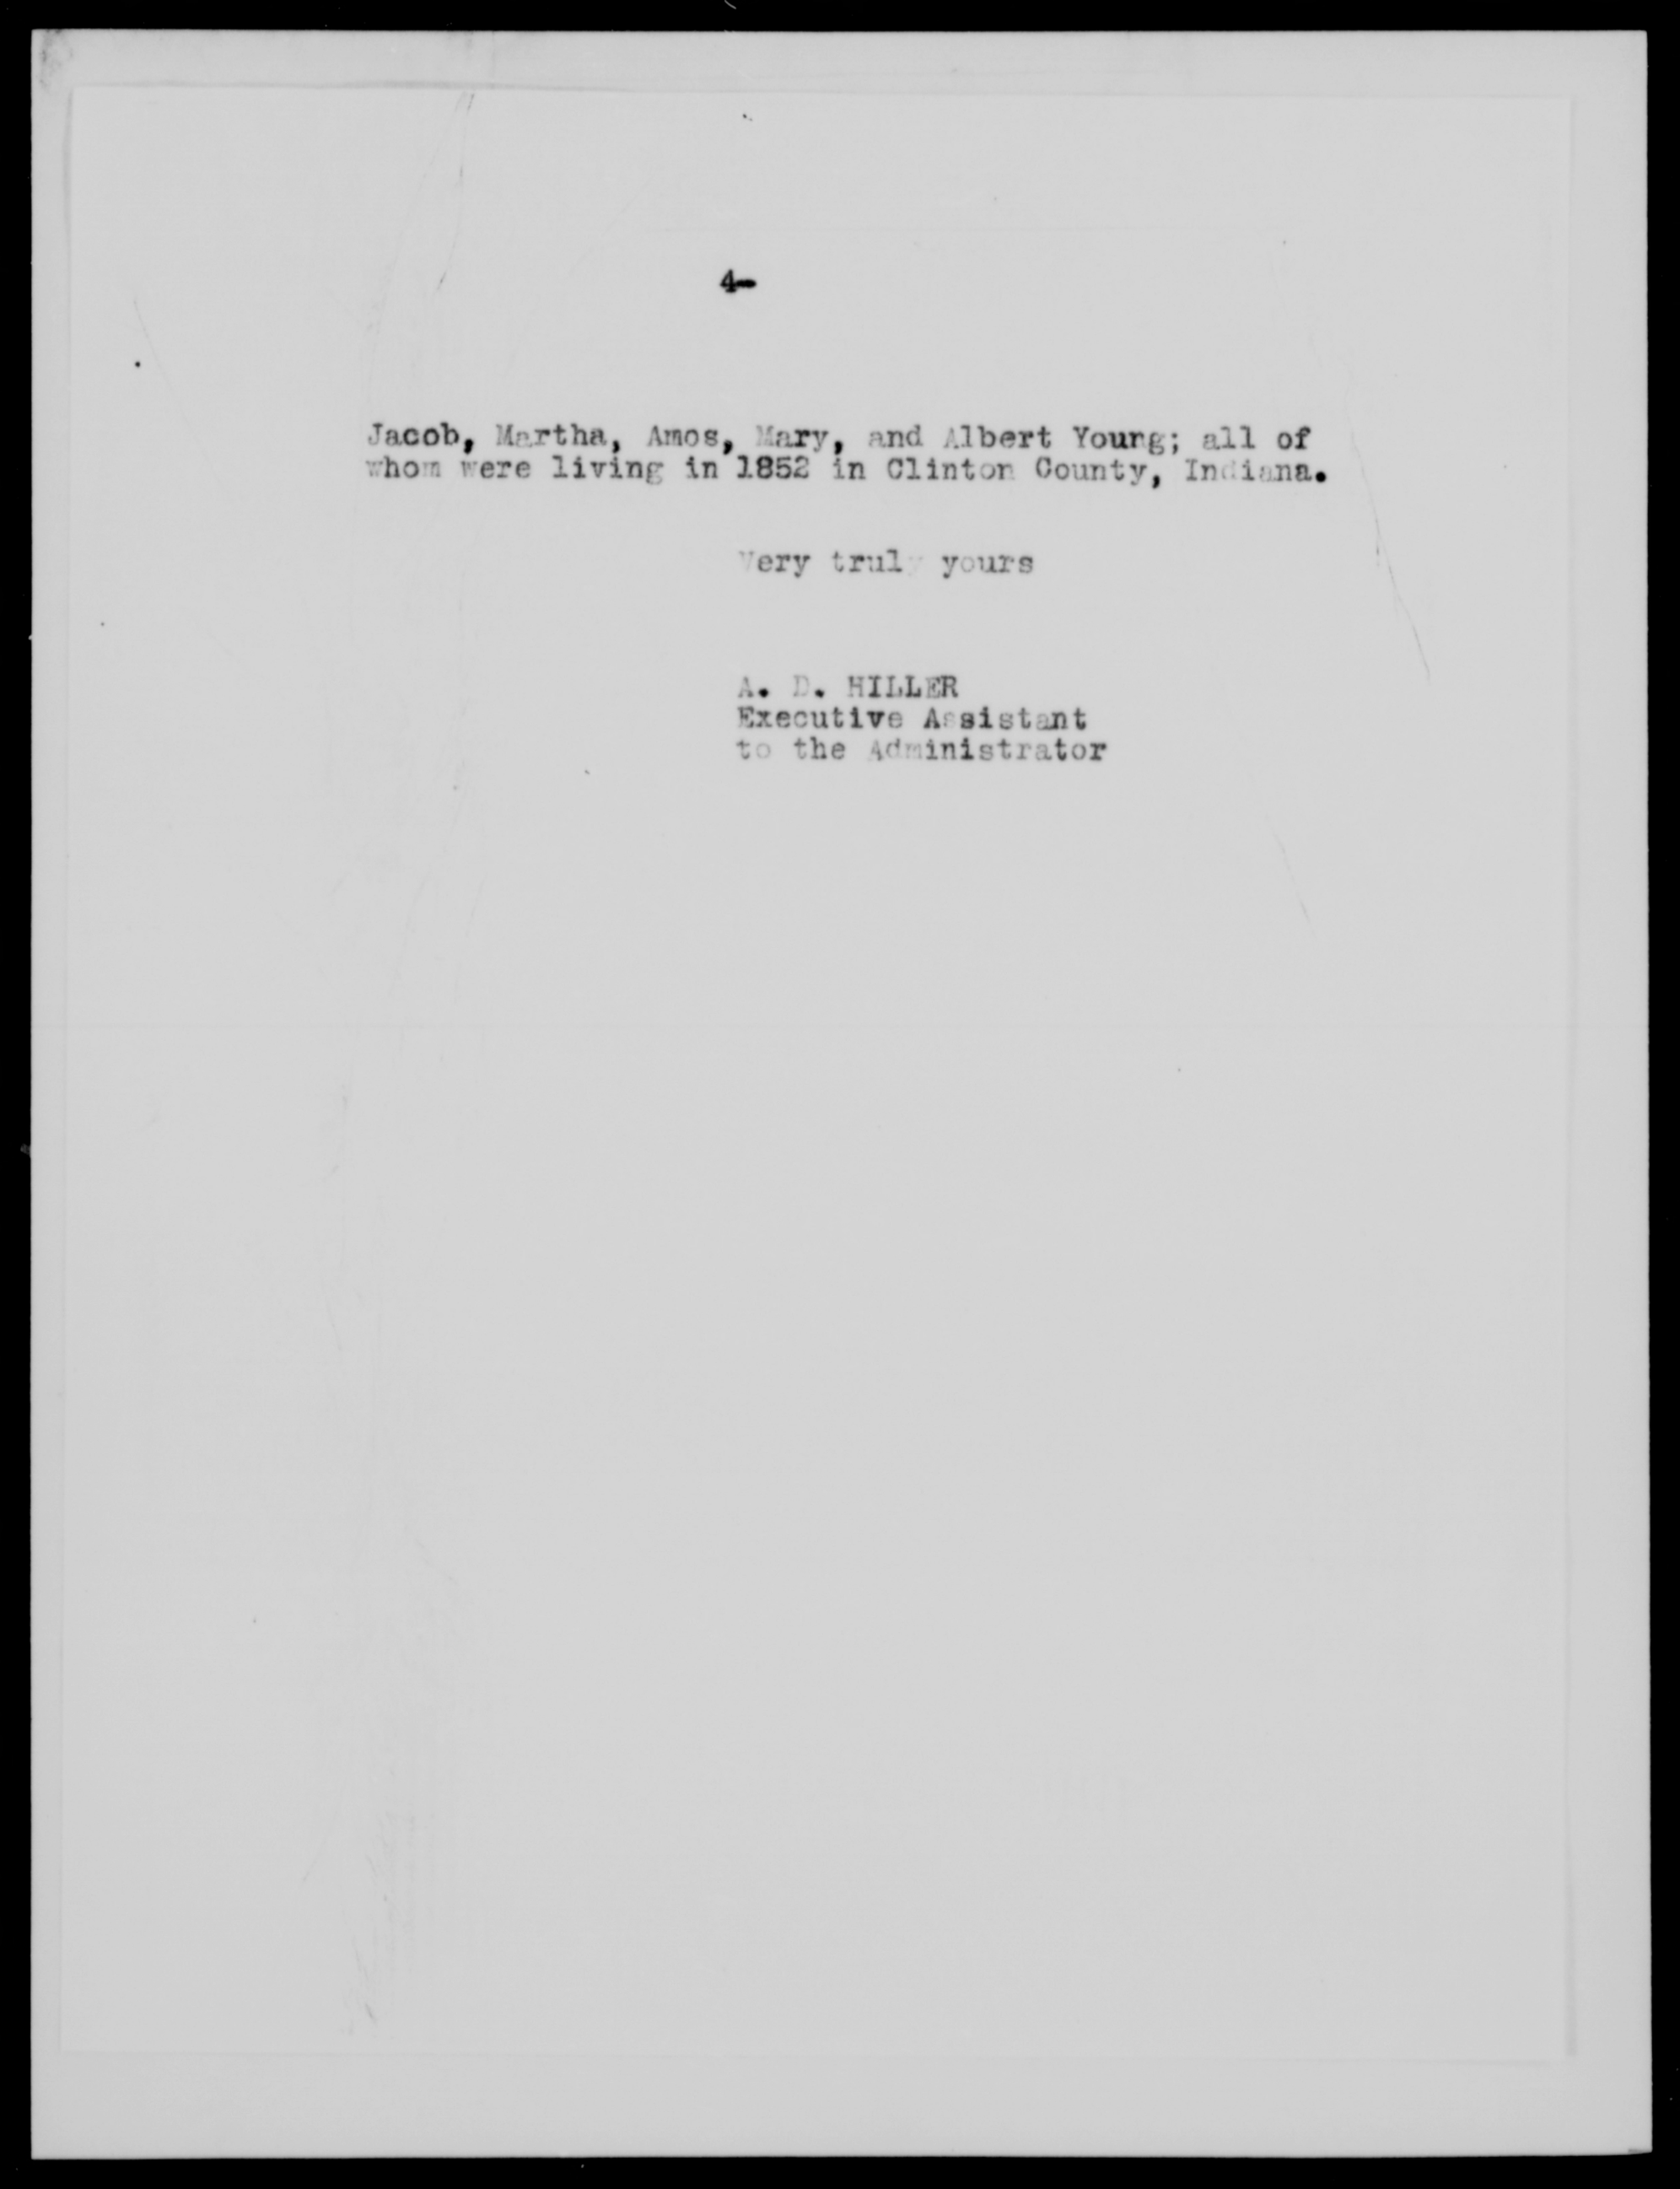4-
Jacob, Martha, Amos, Mary, and Albert Young, all of whom were living in 1852, in Clinton County,
Indiana.

Very truly yours
A. D. HILLER
Executive Assistant
to the Administrator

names: Amos, Mary, A D Hiller, Albert Young, Martha, Jacob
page: 46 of 123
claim: rejected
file: R. 11,949, Matthias Young, Md.